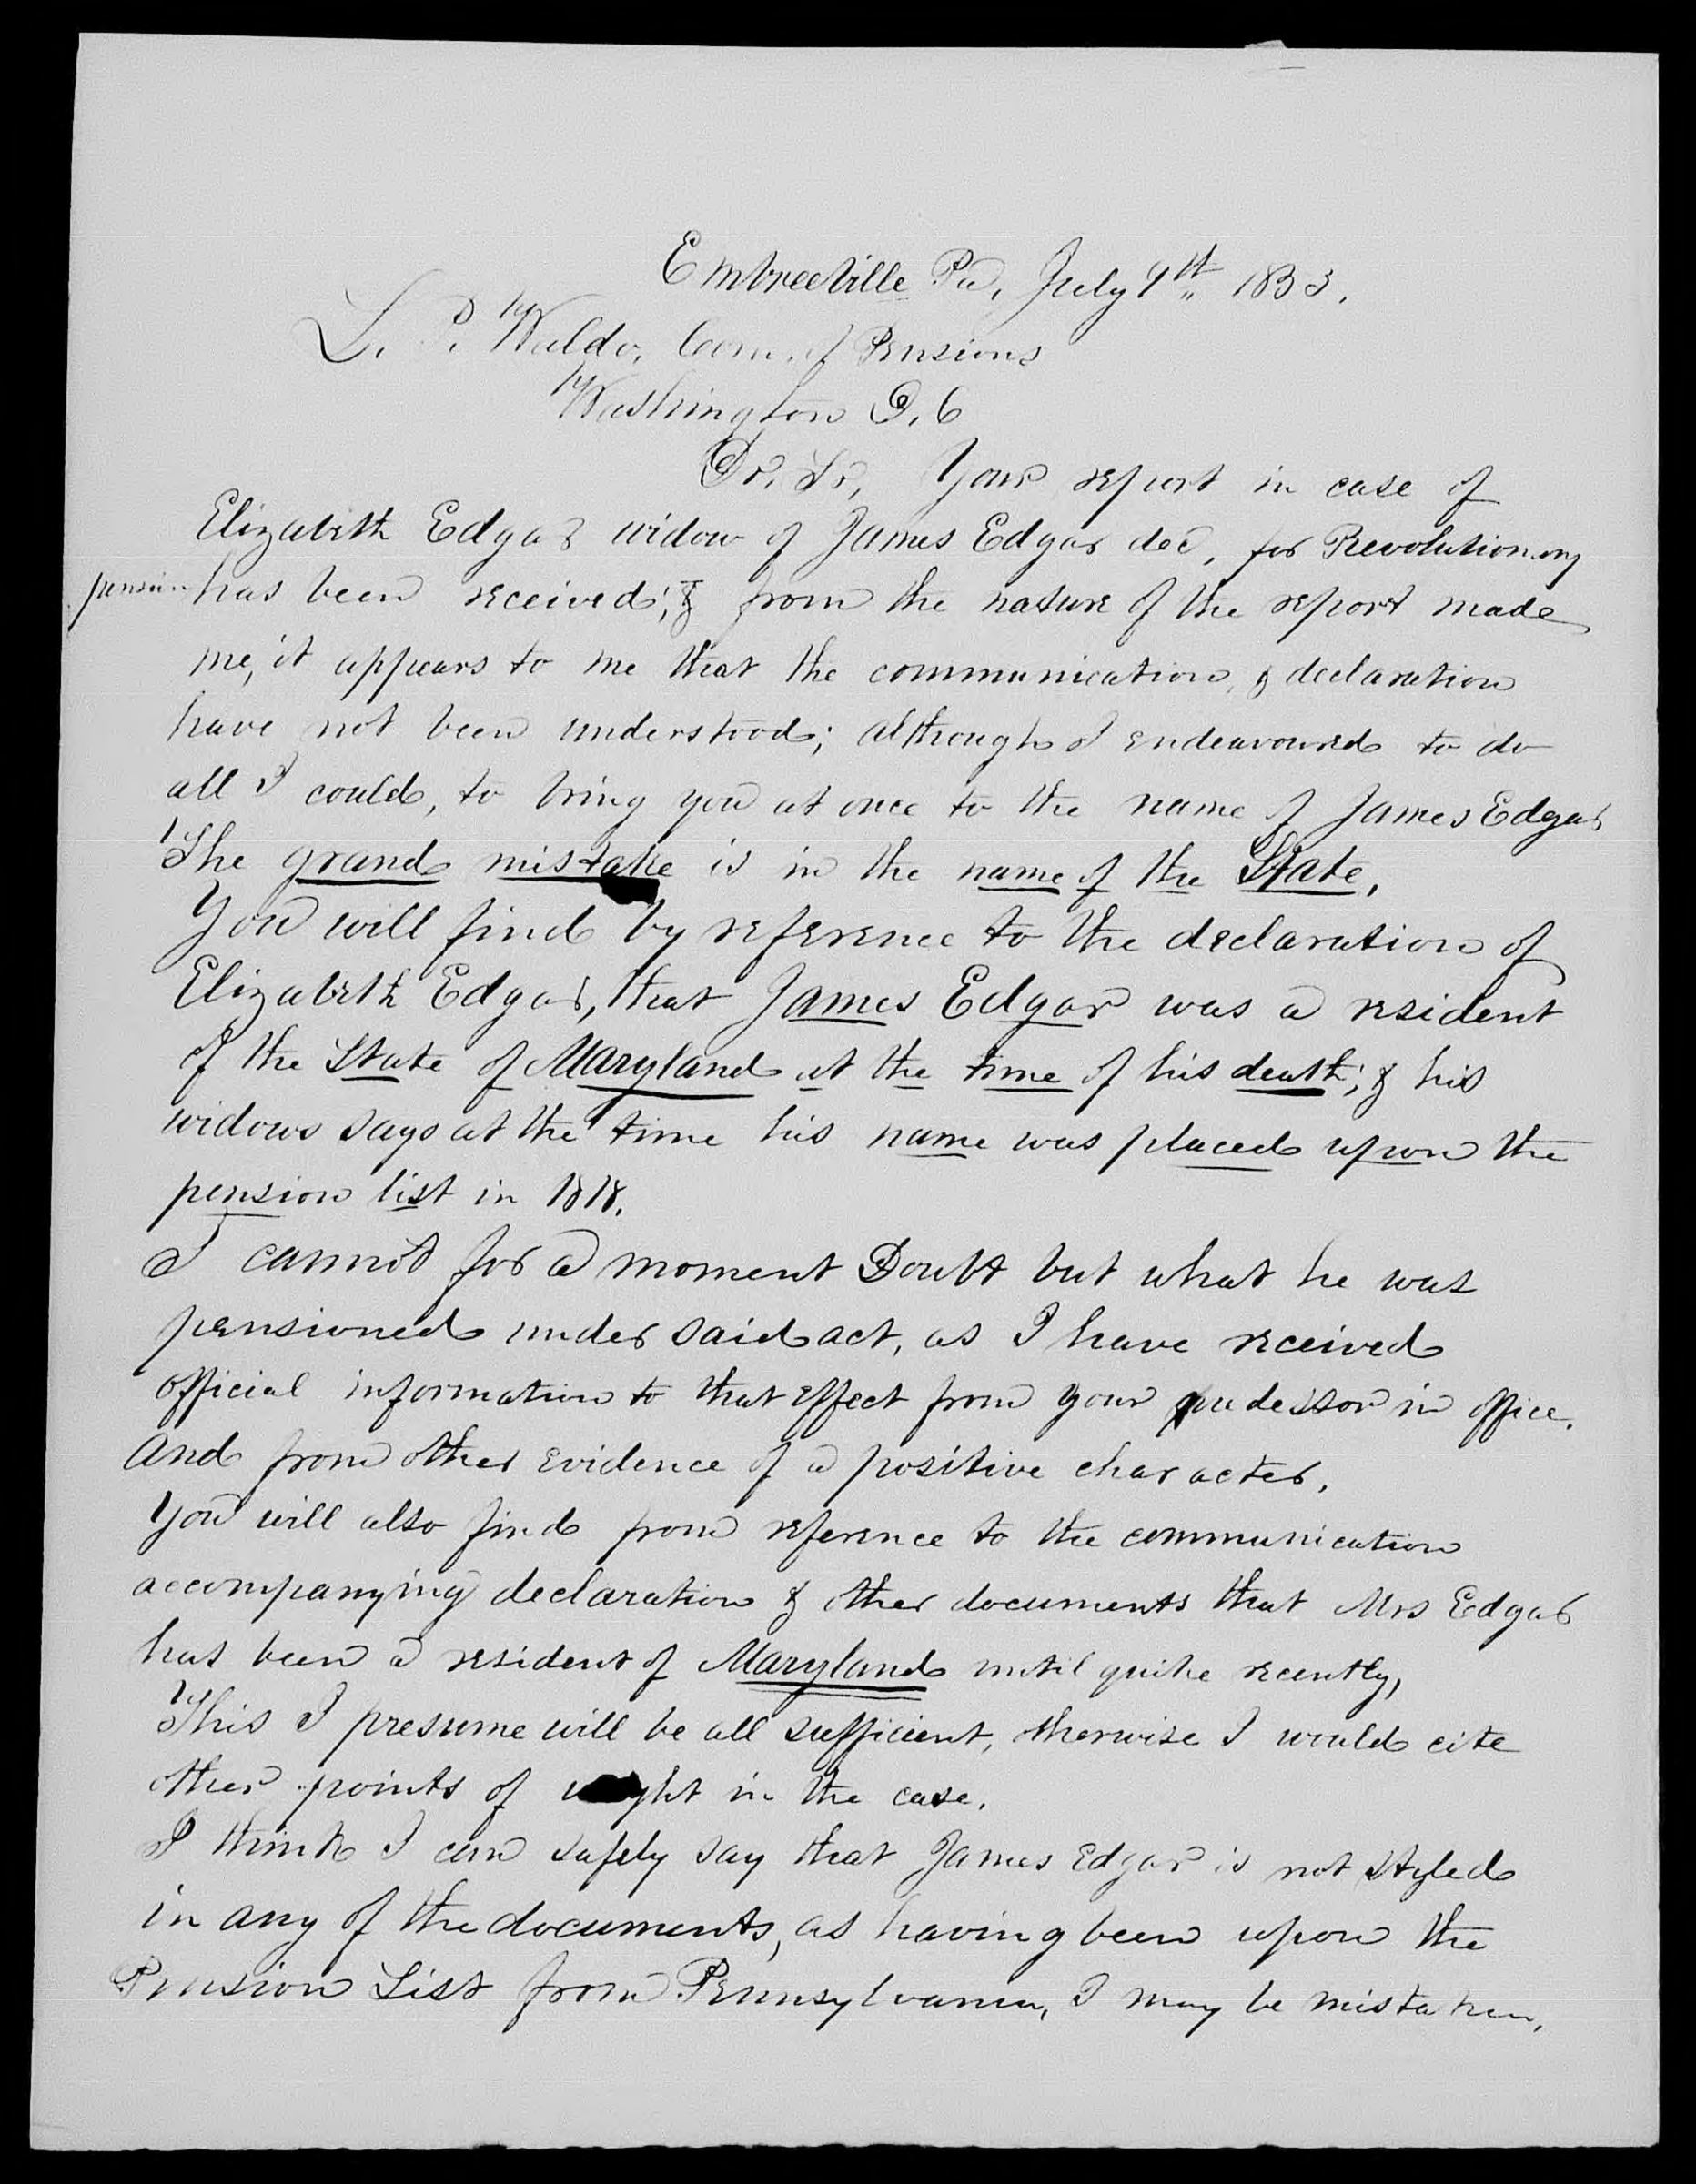Embreeville Pa. July 4th 1833.
L. P. Waldo Com of Pensions
Washington D.C

D.P. L, Your report in case of
Elizabeth Edgar widow of James Edgar dec, for Revolutionary
pension has been received; & from the nature of the report made
me, it appears to me that the communication, & declaration
have not been understood; although I endeavoured to do
all I could, to bring you at once to the name of James Edgar
The grand mistake is in the name of the State,
You will find by reference to the declaration of
Elizabeth Edgar, that James Edgar was a resident
of the State of Maryland at the time of his death; & his
widows says at the time his name was placed upon the
pension list in 1818
-
I cannot for a moment doubt but what he was
pensioned under said act, as I have received
Official information to that effect from your predecessor in office
and from other evidence of a positive character.
You will also find from reference to the communication
accompanying declaration & other documents that Mrs. Edgar
has been a resident of Maryland until quite recently,
This I presume will be all sufficient, otherwise I would cite
other points of (illegible) in the case
I think I can safely say that James Edgar is not stated
in any of the documents, as having been upon the
Pension List from Pennsylvania, I may be mistaken.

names: Elizabeth Edgar, Elizabeth Edgar, James Edgar, James Edgar, James Edgar, Edgar, L P Waldo, James Edgar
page: 45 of 74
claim: widow's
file: W. 9422, James Edgar, Penn.